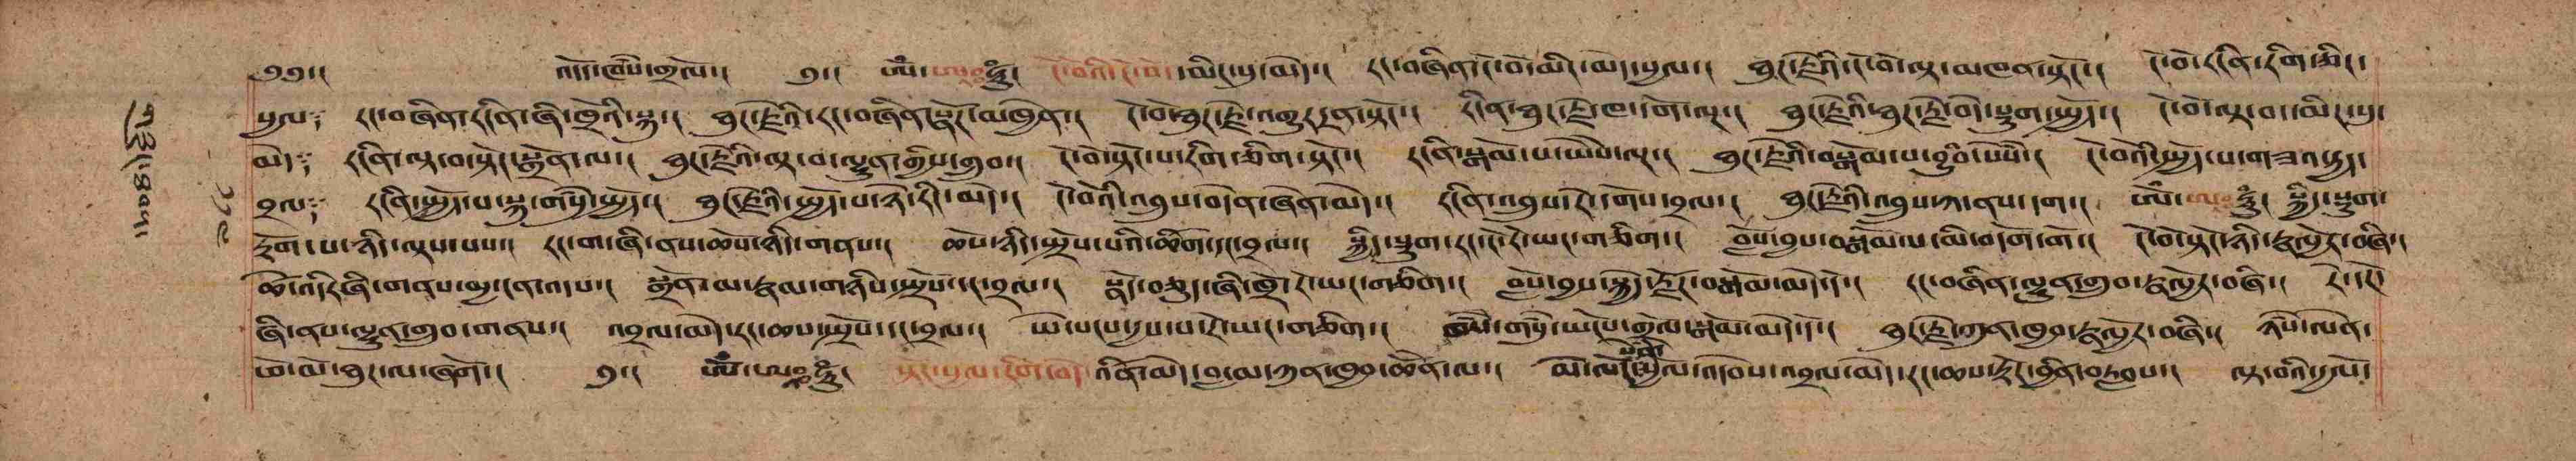༄༅།། འདོད་ཁམས་གྲོལ།། ༄་། ཨོཾ་ཨཱཿཧཱུཾ། ངོ་བོ་དམིགས་སུ་མེད།། རང་བཞིན་ངོ་བོ་མིང་མེད་གསལ།། ཐུགས་རྗེའི་ངོ་བོ་ལྟ་མཁན་སྟོང་།། ངོ་བོ་རང་བཞིན་རིག་ཅིང་
གསལ།། རང་བཞིན་རང་བཞིན་ཞི་ཁྲོའི་སྐུ།། ཐུགས་རྗེའི་རང་བཞིན་སྣ་ཚོགས་མཁྱེན།། ངོ་བོ་ཐུགས་རྗེ་འགྱུར་དྲན་སྟོང་།། རང་བཞིན་ཐུགས་རྗེ་ཁ་དོག་ལྔ།། ཐུགས་རྗེའི་ཐུགས་རྗེ་བདེ་སྡུག་སྤྱོད།། ངོ་བོ་ལྟ་བ་དམིགས་སུ་
མེད།། རང་བཞིན་ལྟ་བ་སྟོང་སྒྲོན་ལ།། ཐུགས་རྗེའི་ལྟ་བ་ལྷུན་གྱིས་གྲུབ།། ངོ་བོ་སྟོང་པ་རིག་ཅིང་སྟོང་།། རང་བཞིན་སྒོམ་པ་ཡེ་ཤེས་ལྔ།། ཐུགས་རྗེའི་སྒོམ་པ་བྱང་ཆུབ་སེམས།། ངོ་བོའི་སྤྱོད་པ་གཟའ་གཏད་
བྲལ།། རང་བཞིན་སྤྱོད་པ་སྐུ་གསུམ་སྤྱོད།། ཐུགས་རྗེའི་སྤྱོད་པ་ཉེ་རིང་མེད།། ངོ་བོའི་འབྲས་བུ་བདེན་ཞེན་མེད།། རང་བཞིན་འབྲས་བུ་རེ་དོགས་བྲལ།། ཐུགས་རྗེའི་འབྲས་བུ་ཀ་ནས་དག། ཨོཾ་ཨཱཿཧཱུཾ། སྐྱིད་སྡུག་
རྟོག་པ་ཉིད་ལྟས་པས།། རང་ག་ཞི་ནས་ཆོས་ཉིད་གནས།། ཆོས་ཉིད་སྤྲོས་པའི་ཚིག་དང་བྲལ།། སྐྱིད་སྡུག་རང་ངོ་རེ་ཡང་གཅིག། བློས་བྱས་བསྒོམ་པ་མི་བདོག་གོ། ངོ་བོ་སྟོང་ཉིད་རྣལ་འབྱོར་བཞི།། 
ཚེ་འདིར་ཞི་གནས་མྱ་ངན་འདས།། སྒྲོན་མ་རྣམ་གཉིས་སྤྲོས་དང་བྲལ།། སྣོད་བཅུད་ཞི་ཁྲོ་རོ་ཡང་གཅིག། བློས་བྱས་བསྐྱེད་རྫོགས་བསྒོམ་མེད་དོ།། རང་བཞིན་ལྷུན་གྲུབ་རྣལ་འབྱོར་བཞི།། རེ་དོགས་
ཞི་ནས་ལྷུན་གྲུབ་གནས།། འབྲལ་མེད་རང་ཆས་སྤྲོས་དང་བྲལ།། ཡེ་སངས་རྒྱས་པ་རོ་ཡང་གཅིག། ཁམས་གསུམ་ཡོངས་གྲོལ་སྒོམ་མེད་དོ།། ཐུགས་རྗེ་ཀུན་ཁྱབ་རྣལ་འབྱོར་བཞི།། ཉམས་ལེན་
ཕོ་མོ་ཐུགས་ལ་ཞོག། ༄༅།། ཨོཾ་ཨཱཿཧཱུཾ། སྟོང་གསལ་རིག་བདེ་འཛིན་མེད་བླ་མ་ཀུན་ཁྱབ་ཆེན་པོ་ལ།། མེ་ལོང་སེམས་ཅན་གསོལ་འདེབས་འབྲལ་མེད་རང་ཆས་རྟོགས་བྱིན་བརླབས།། ལྟ་བའི་རྒྱལ་པོ་